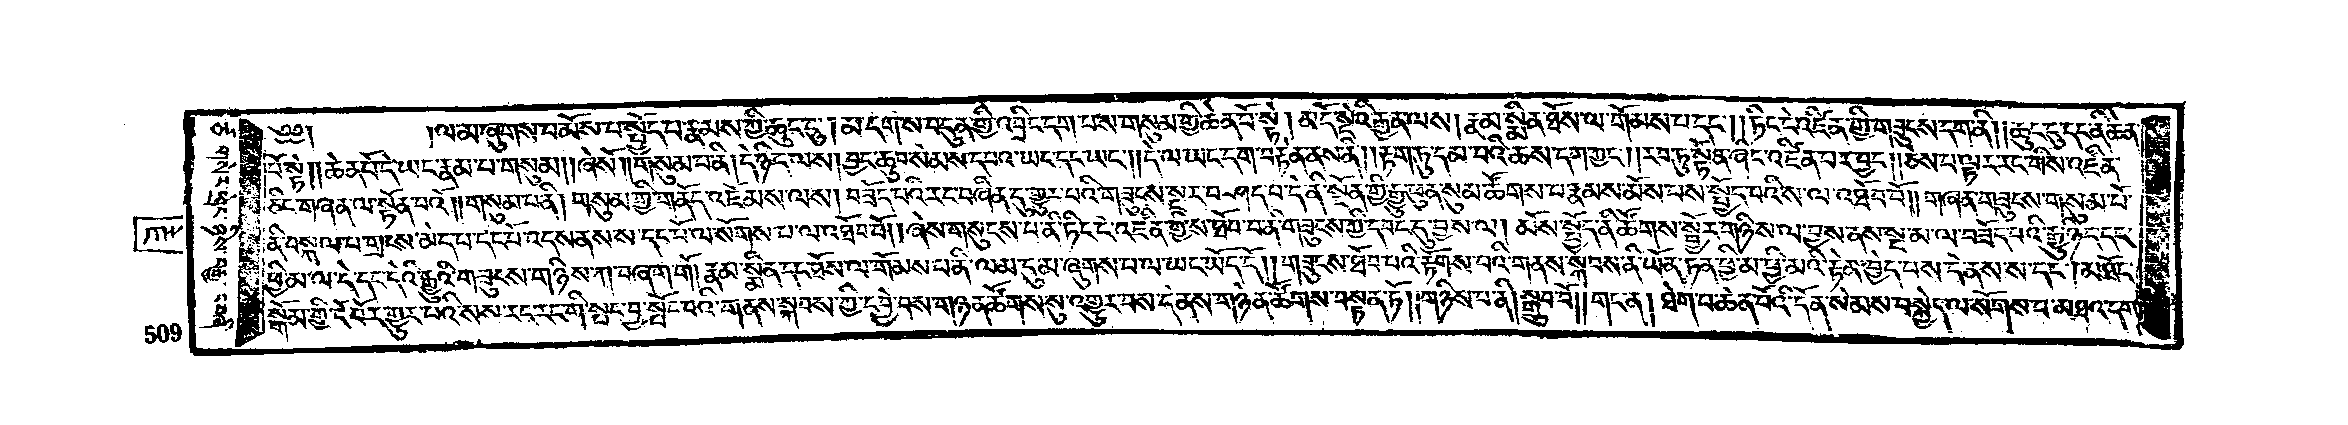༄༅། །ལ་མ་ཞུགས་པ་མོས་པ་སྤྱོད་པ་རྣམས་ཀྱི་ཆུང་ངུ། མ་དག་ས་བདུན་གྱི་འབྲིང་དག་པས་གསུམ་གྱི་ཆེན་པོ་སྟེ། མདོ་སྡེའི་རྒྱན་ལས། རྣམ་སྨིན་ཐོས་ལ་གོམས་པ་དང་། །ཏིང་ངེ་འཛིན་གྱི་གཟུངས་དག་ནི། །ཆུང་ངུ་དང་ནི་ཆེན་
པོ་སྟེ། །ཆེན་པོ་དེ་ཡང་རྣམ་པ་གསུམ། །ཞེས་སོ། །གསུམ་པ་ནི། དེ་ཉིད་ལས། བྱང་ཆུབ་སེམས་དཔའ་ཡང་དང་ཡང་། །དེ་ལ་ཡང་དག་བརྟེན་ནས་ནི། །རྟག་ཏུ་དམ་པའི་ཆོས་དག་ཀྱང་། །རབ་ཏུ་སྟོན་ཞིང་འཛིན་པར་བྱད། །ཅེས་པ་ལྟར་རང་གིས་འཛིན་
ཅིང་གཞན་ལ་སྟོན་པའོ། །གསུམ་པ་ནི། གསུམ་གྱི་གནོད་འཛོམས་ལས། བཟོད་པའི་རང་བཞིན་དུ་གྱུར་པའི་གཟུངས་སྔར་བཤད་པ་དེ་ནི་སྔོན་གྱི་རྒྱུ་ཕུན་སུམ་ཚོགས་པ་རྣམས་མོས་པས་སྤྱོད་པའི་ས་ལ་འཐོབ་བོ། །གཞན་གཟུངས་གསུམ་པོ་
ནི་བསྐལ་པ་གྲངས་མེད་པ་དང་པོ་འདས་ནས་ས་དང་པོ་ལ་སོགས་པ་ལ་འཐོབ་བོ། །ཞེས་གསུངས་པ་ནི་ཏིང་ངེ་འཛིན་གྱིས་ཐོབ་པ་ནི་གཟུངས་ཀྱི་དབང་དུ་བྱས་ལ། མོས་སྤྱོད་ནི་ཚེགས་སྦྱོར་གཉིས་ལ་བྱས་ནས་སྔ་མ་ལ་བཟོད་པའི་རྒྱུ་ཉིད་དང་
ཕྱི་མ་ལ་དེ་དང་དེའི་རྒྱུའི་གཟུངས་གཉིས་ཀ་བཞག་གོ །རྣམ་སྨིན་དང་ཐོས་ལ་གོམས་པ་ནི་ལམ་དུ་མ་ཞུགས་པ་ལ་ཡང་ཡོད་དོ། །གཟུངས་ཐོབ་པའི་རྟོགས་པའི་གནས་སྐབས་ནི་ཡོན་ཏན་ཕྱི་མ་ཕྱི་མའི་རྟེན་བྱེད་པས་དེ་ནས་ས་དང་། མཐོང་
སྒོམ་གྱི་ངོ་བོར་གྱུར་པའི་སས་རང་རང་གི་སྤང་བྱ་སྤོང་བའི་གནས་སྐབས་ཀྱི་དབྱེ་བས་གཉན་ཚེགས་སུ་འགྱུར་བས་དེ་ནས་གཉེན་ཚོགས་བསྟན་ཏོ། །གཉིས་པ་ནི། སྒྲུབ་བོ། །གང་ན། ཐེག་པ་ཆེན་པོའི་དོན་སེམས་བསྐྱེད་ལ་སོགས་པ་མཐའ་དག་